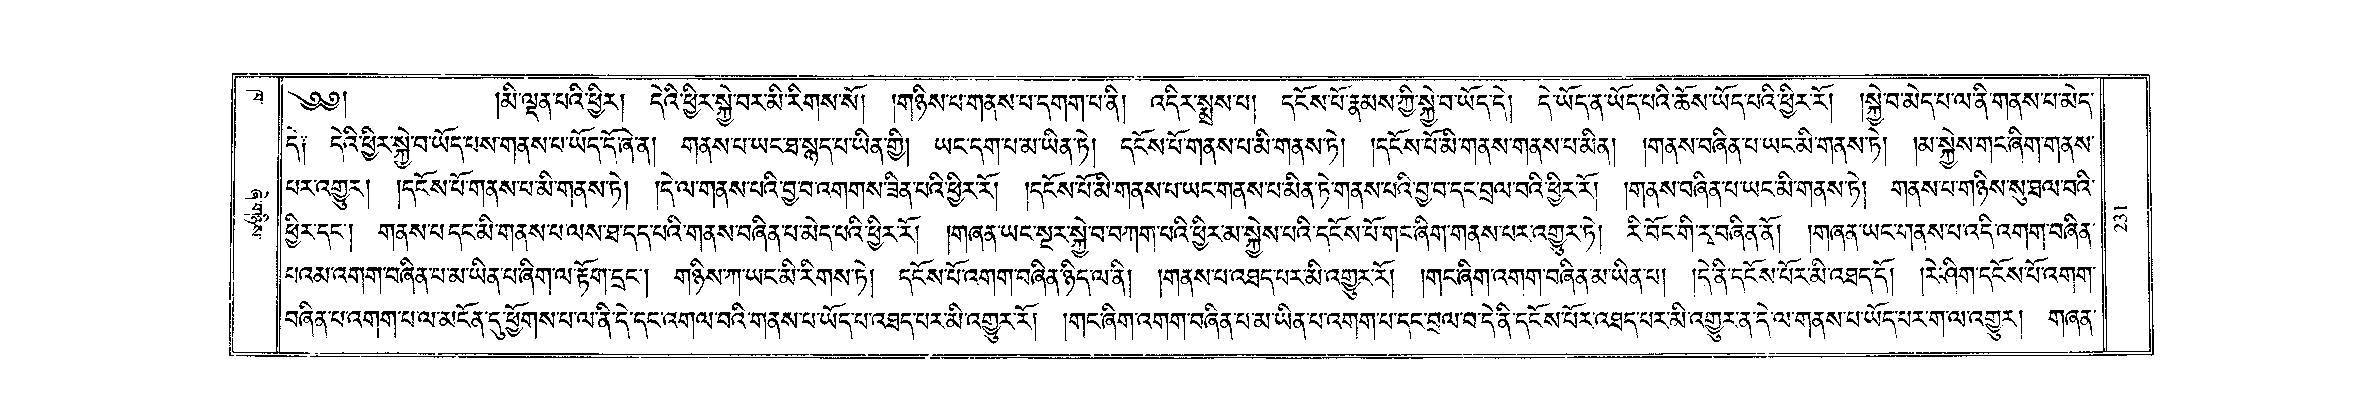༄༅། །མི་ལྡན་པའི་ཕྱིར། དེའི་ཕྱིར་སྐྱེ་བར་མི་རིགས་སོ། །གཉིས་པ་གནས་པ་དགག་པ་ནི། འདིར་སྨྲས་པ། དངོས་པོ་རྣམས་ཀྱི་སྐྱེ་བ་ཡོད་དེ། དེ་ཡོད་ན་ཡོད་པའི་ཆོས་ཡོད་པའི་ཕྱིར་རོ། །སྐྱེ་བ་མེད་པ་ལ་ནི་གནས་པ་མེད་
དེ༑ དེའི་ཕྱིར་སྐྱེ་བ་ཡོད་པས་གནས་པ་ཡོད་དོ་ཞེ་ན། གནས་པ་ཡང་ཐ་སྙད་པ་ཡིན་གྱི། ཡང་དག་པ་མ་ཡིན་ཏེ། དངོས་པོ་གནས་པ་མི་གནས་ཏེ། །དངོས་པོ་མི་གནས་གནས་པ་མིན། །གནས་བཞིན་པ་ཡང་མི་གནས་ཏེ། །མ་སྐྱེས་གང་ཞིག་གནས་
པར་འགྱུར། །དངོས་པོ་གནས་པ་མི་གནས་ཏེ། །དེ་ལ་གནས་པའི་བྱ་བ་འགགས་ཟིན་པའི་ཕྱིར་རོ། །དངོས་པོ་མི་གནས་པ་ཡང་གནས་པ་མིན་ཏེ་གནས་པའི་བྱ་བ་དང་བྲལ་བའི་ཕྱིར་རོ། །གནས་བཞིན་པ་ཡང་མི་གནས་ཏེ། གནས་པ་གཉིས་སུ་ཐལ་བའི་
ཕྱིར་དང་། གནས་པ་དང་མི་གནས་པ་ལས་ཐ་དད་པའི་གནས་བཞིན་པ་མེད་པའི་ཕྱིར་རོ། །གཞན་ཡང་སྔར་སྐྱེ་བ་བཀག་པའི་ཕྱིར་མ་སྐྱེས་པའི་དངོས་པོ་གང་ཞིག་གནས་པར་འགྱུར་ཏེ། རི་བོང་གི་རྭ་བཞིན་ནོ། །གཞན་ཡང་གནས་པ་འདི་འགག་བཞིན་
པའམ་འགག་བཞིན་པ་མ་ཡིན་པ་ཞིག་ལ་རྟོག་དྲང་། གཉིས་ཀ་ཡང་མི་རིགས་ཏེ། དངོས་པོ་འགག་བཞིན་ཉིད་ལ་ནི། །གནས་པ་འཐད་པར་མི་འགྱུར་རོ། །གང་ཞིག་འགག་བཞིན་མ་ཡིན་པ། །དེ་ནི་དངོས་པོར་མི་འཐད་དོ། །རེ་ཤིག་དངོས་པོ་འགག་
བཞིན་པ་འགག་པ་ལ་མངོན་དུ་ཕྱོགས་པ་ལ་ནི་དེ་དང་འགལ་བའི་གནས་པ་ཡོད་པ་འཐད་པར་མི་འགྱུར་རོ། །གང་ཞིག་འགག་བཞིན་པ་མ་ཡིན་པ་འགག་པ་དང་བྲལ་བ་དེ་ནི་དངོས་པོར་འཐད་པར་མི་འགྱུར་ན་དེ་ལ་གནས་པ་ཡོད་པར་ག་ལ་འགྱུར། གཞན་